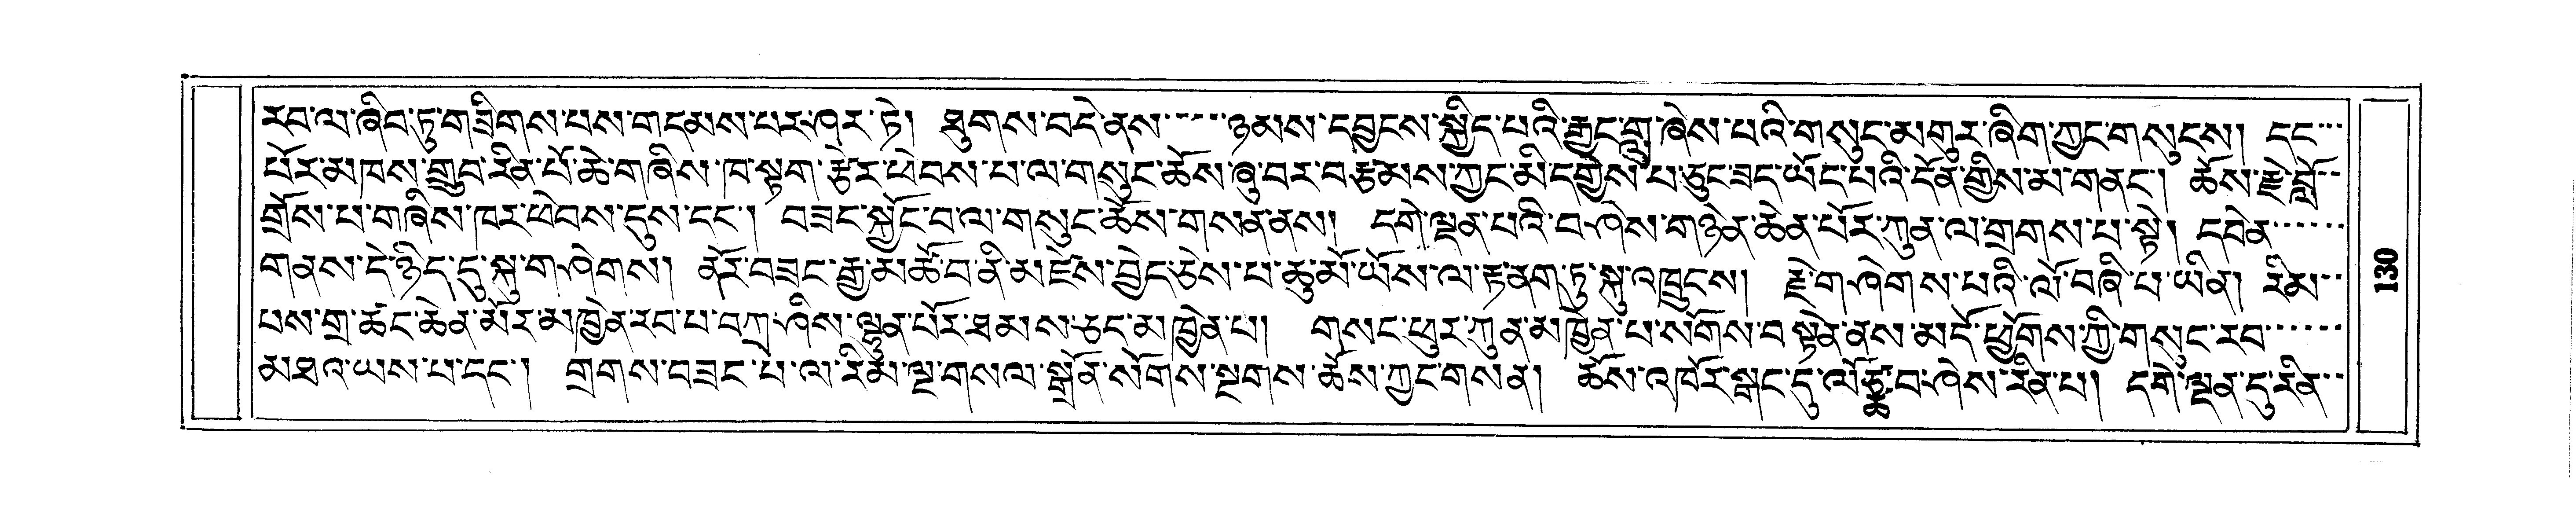རབ་ལ་ཞིབ་ཏུ་གཟིགས་པས་གདམས་པར་ཤར་ཏེ། ཐུགས་བདེ་ནས་ཉམས་དབྱངས་སྐྱིད་པའི་རྒྱང་གླུ་ཞེས་པའི་གསུང་མགུར་ཞིག་ཀྱང་གསུངས། དང་
པོར་མཁས་གྲུབ་རིན་པོ་ཆེ་གཞིས་ཁ་སྟག་རྩེར་ཕེབས་པ་ལ་གསུང་ཆོས་ཞུ་བར་བརྩམས་ཀྱང་མི་དགྱེས་པ་ཅུང་ཟད་ཡོད་པའི་དོན་གྱིས་མ་གནང་། ཆོས་རྗེ་བློ་
གྲོས་པ་གཞིས་ཁར་ཕེབས་དུས་དང་། བཟང་སྐྱོང་བ་ལ་གསུང་ཆོས་གསན་ནས། དགེ་ལྡན་པའི་བཤེས་གཉེན་ཆེན་པོར་ཀུན་ལ་གྲགས་པ་སྟེ། དབེན་
གནས་དེ་ཉིད་དུ་སྐུ་གཤེགས། ནོར་བཟང་རྒྱ་མཚོ་བ་ནི་མཛེས་བྱེད་ཅེས་པ་ཆུ་མོ་ཡོས་ལ་རྟ་ནག་ཏུ་སྐུ་འཁྲུངས། རྗེ་གཤེགས་པའི་ལོ་བཞི་པ་ཡིན། རིམ་
པས་གྲ་ཚང་ཆེན་མོར་མཁྱེན་རབ་པ་བཀྲ་ཤིས་ལྷུན་པོར་ཐམས་ཅད་མཁྱེན་པ། གསང་ཕུར་ཀུན་མཁྱེན་པ་སོགས་བསྟེན་ནས་མདོ་ཕྱོགས་ཀྱི་གསུང་རབ་
མཐའ་ཡས་པ་དང་། གྲགས་བཟང་པ་ལ་རིམ་ལྔ་གསལ་སྒྲོན་སོགས་སྔགས་ཆོས་ཀྱང་གསན། ཆོས་འཁོར་སྒང་དུ་ལོཙྪ་བ་ཤེས་རིན་པ། དགེ་ལྡན་དུ་རི་